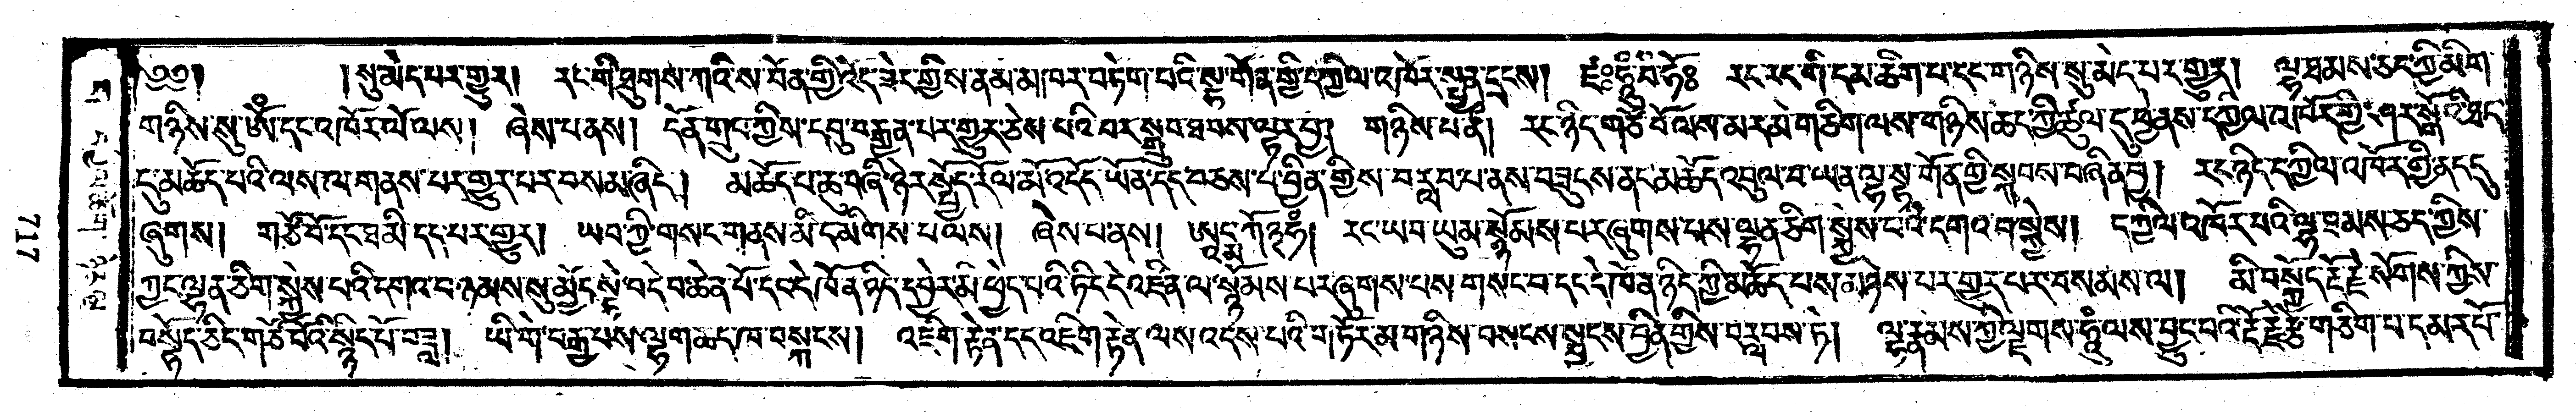༄༅། །སུ་མེད་པར་གྱུར། རང་གི་ཐུགས་ཀའི་ས་བོན་གྱི་འོད་ཟེར་གྱིས་ནམ་མཁར་བཏེག་པའི་སྟ་གོན་གྱི་དཀྱིལ་འཁོར་སྤྱན་དྲངས། ཛཿཧཱུཾ་བཾ་ཧོཿ རང་རང་གི་དམ་ཚིག་པ་དང་གཉིས་སུ་མེད་པར་གྱུར། ལྷ་ཐམས་ཅད་ཀྱི་མིག་
གཉིས་སུ་ཨོཾ་དང་འཁོར་ལོ་ལས། ཞེས་པ་ནས། དོན་གྲུབ་ཀྱིས་དབུ་བརྒྱན་པར་གྱུར་ཅེས་པའི་བར་སྒྲུབ་ཐབས་ལྟར་བྱ། གཉིས་པ་ནི། རང་ཉིད་གཙོ་བོ་ལས་མར་མེ་གཅིག་ལས་གཉིས་ཆད་ཀྱི་ཚུལ་དུ་ཕྱེ་ནས་དཀྱིལ་འཁོར་གྱི་ཤར་སྒོའི་ཐད་
དུ་མཆོད་པའི་ལས་ལ་གནས་པར་གྱུར་པར་བསམ་ཞིང་། མཆོད་པ་ཆུ་བཞི་ཉེར་སྤྱོད་རོལ་མོ་འདོད་ཡོན་དང་བཅས་པ་བྱིན་གྱིས་བརླབ་པ་ནས་བཟུངས་ནང་མཆོད་འབུལ་བ་ཡན་ལྷ་སྟ་གོན་གྱི་སྐབས་བཞིན་བྱ། རང་ཉིད་དཀྱིལ་འཁོར་གྱི་ནང་དུ་
ཞུགས། གཙོ་བོ་དང་ཐ་མི་དད་པར་གྱུར། ཡབ་ཀྱི་གསང་གནས་མི་དམིགས་པ་ལས། ཞེས་པ་ནས། ཨཱདམ་ཀོཉཧཾ། རང་ཡབ་ཡུམ་སྙོམས་པར་ཞུགས་པས་ལྷན་ཅིག་སྐྱེས་པའི་དགའ་བ་སྐྱེས། དཀྱིལ་འཁོར་པའི་ལྷ་ཐམས་ཅད་ཀྱིས་
ཀྱང་ལྷན་ཅིག་སྐྱེས་པའི་དགའ་བ་ཉམས་སུ་མྱོང་སྟེ་བདེ་བ་ཆེན་པོ་དང་དེ་ཁོ་ན་ཉིད་དབྱེར་མི་ཕྱེད་པའི་ཏིང་ངེ་འཛིན་ལ་སྙོམས་པར་ཞུགས་པས་གསང་བ་དང་དེ་ཁོ་ན་ཉིད་ཀྱི་མཆོད་པས་མཉེས་པར་གྱུར་པར་བསམས་ལ། མི་བསྐྱོད་རྡོ་རྗེ་སོགས་ཀྱིས་
བསྟོད་ཅིང་གཙོ་བོའི་སྙིང་པོ་བཟླ། ཡི་གེ་བརྒྱ་པས་ལྷག་ཆད་ཁ་བསྐངས། འཇིག་རྟེན་དང་འཇིག་རྟེན་ལས་འདས་པའི་གཏོར་མ་གཉིས་བསངས་སྦྱངས་བྱིན་གྱིས་བརླབས་ཏེ། ལྷ་རྣམས་ཀྱི་ལྗགས་ཧཱུཾ་ལས་བྱུང་བའི་རྡོ་རྗེ་རྩེ་གཅིག་པ་དམར་པོ་